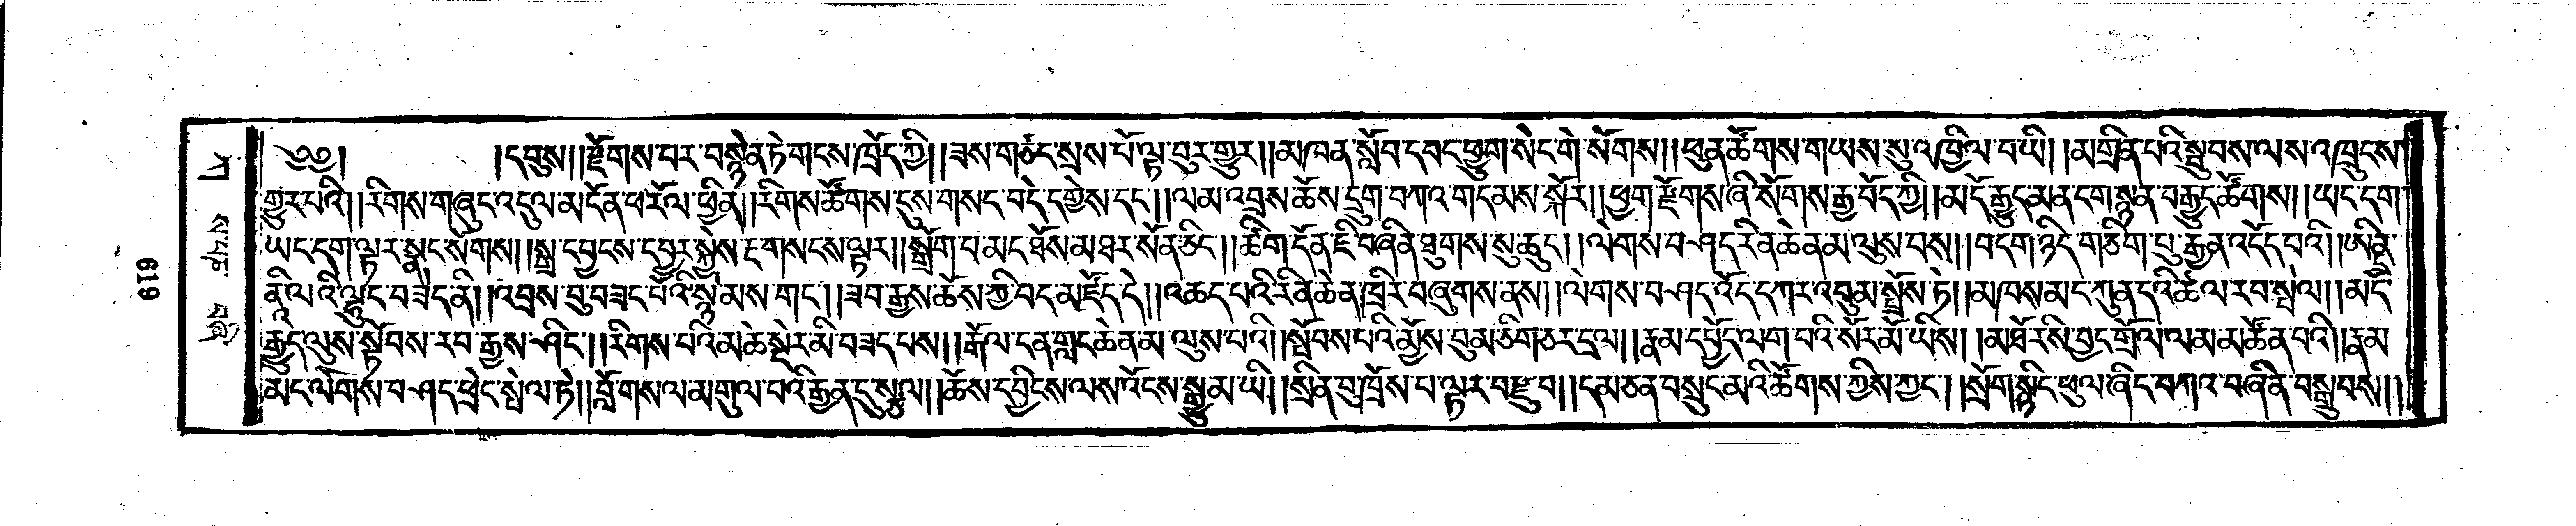༄༅། །དབུས། །རྫོགས་པར་བསྙེན་ཏེ་གངས་ཁྲོད་ཀྱི། །ཟས་གཙང་སྲས་པོ་ལྟ་བུར་གྱུར། །མཁན་སློབ་དབང་ཕྱུག་སེང་གེ་སོགས། །ཕུན་ཚོགས་གཡས་སུ་འཁྱིལ་བ་ཡི། །མགྲིན་པའི་སྦུབས་ལས་འཁྲུངས་
གྱུར་པའི། །རིགས་གཞུང་འདུལ་མངོན་ཕ་རོལ་ཕྱིན། །རིགས་ཚོགས་དུས་གསང་བདེ་དགྱེས་དང་། །ལམ་འབྲས་ཆོས་དྲུག་བཀའ་གདམས་སྐོར། །ཕྱག་རྫོགས་ཞི་སོགས་རྒྱ་བོད་ཀྱི། །མདོ་རྒྱུད་མན་ངག་སྙན་བརྒྱུད་ཚོགས། །ཡང་དག་
ཡང་དག་ལྟར་སྣང་སོགས། །སྒྲ་དབྱངས་དབྱར་སྐྱེས་རྔ་གསངས་ལྟར། །སྒྲོག་པ་མང་ཐོས་མཐར་སོན་ཅིང་། །ཚིག་དོན་ཇི་བཞིན་ཐུགས་སུ་ཆུད། །ལེགས་བཤད་རིན་ཆེན་མ་ལུས་པས། །བདག་ཉིད་གཅིག་པུ་རྒྱན་འདོད་པའི། །ཨིནྡྲ་
ནཱི་ལའི་ལྷུང་བཟེད་ནི། །འབྲས་བུ་བཟང་པོའི་སྙེ་མས་གང་། །ཟབ་རྒྱས་ཆོས་ཀྱི་བང་མཛོད་དེ། །འཆད་པའི་རིན་ཆེན་ཁྲིར་བཞུགས་ནས། །ལེགས་བཤད་འོད་དཀར་འབུམ་སྤྲོས་ཏེ། །མཁས་མང་ཀུན་དའི་ཚལ་རབ་སྤེལ། །མདོ་
རྒྱུད་ལུས་སྟོབས་རབ་རྒྱས་ཤིང་། །རིགས་པའི་མཆེ་སྔེར་མི་བཟད་པས། །རྒོལ་ངན་གླང་ཆེན་མ་ལུས་པའི། །སྤོབས་པའི་མྱོས་བུམ་ཅིག་ཅར་དྲལ། །རྣམ་དཔྱོད་ལག་པའི་སོར་མོ་ཡིས། །མཐོ་རིས་བྱང་གྲོལ་ལམ་མཚོན་པའི། །རྣམ་
མང་ལེགས་བཤད་ཕྲེང་སྤེལ་ཏེ། །བློ་གསལ་མགུལ་པའི་རྒྱན་དུ་སྩལ། །ཆོས་དབྱིངས་ལས་འོངས་སྒྱུ་མ་ཡི། །སྲིན་བུ་ཁྲོས་པ་ལྟར་བརྫུ་བ། །དམ་ཅན་བསྲུང་མའི་ཚོགས་ཀྱིས་ཀྱང་། །སྲོག་སྙིང་ཕུལ་ཞིང་བཀའ་བཞིན་བསྒྲུབས། །